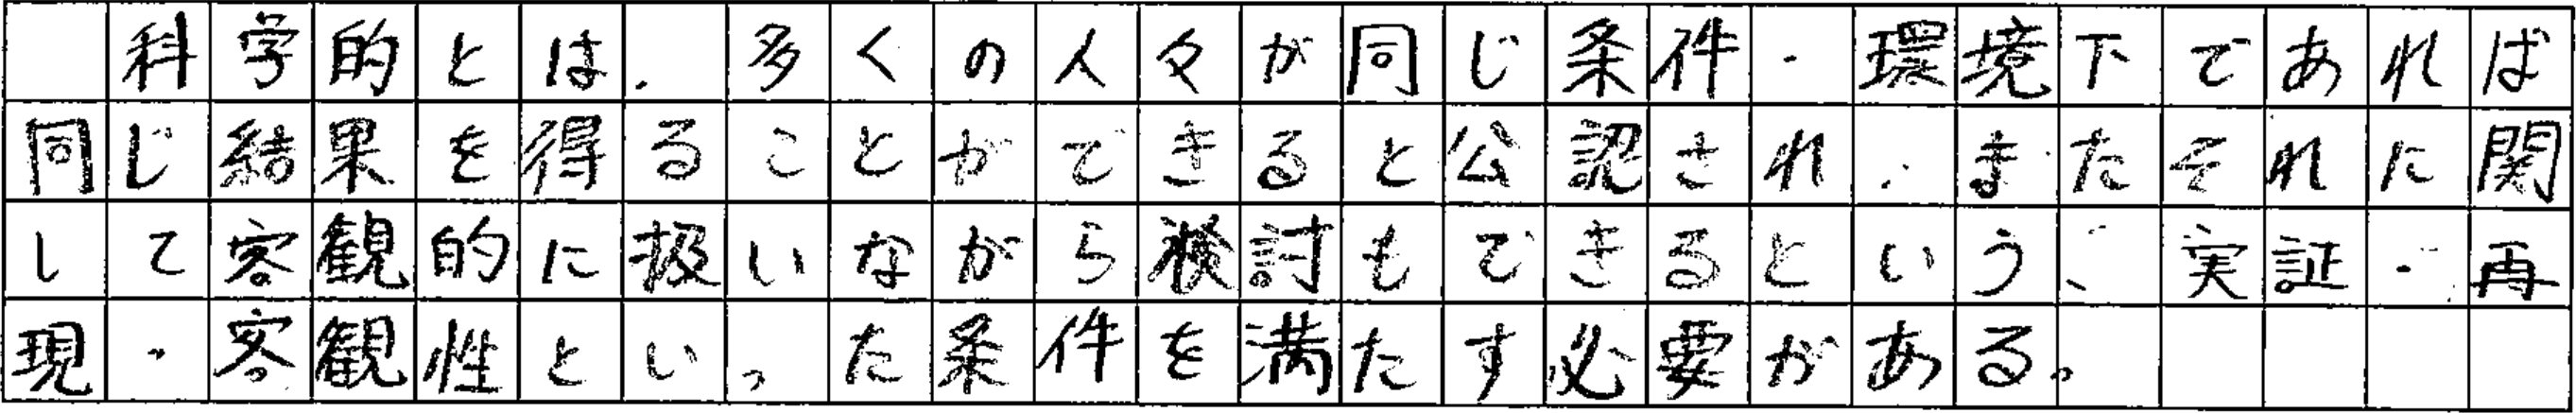　科学的とは、多くの人々が同じ条件・環境下であれば同じ結果を得ることができると公認され、またそれに関して客観的に扱いながら検討もできるという、実証・再現・客観性といった条件を満たす必要がある。
